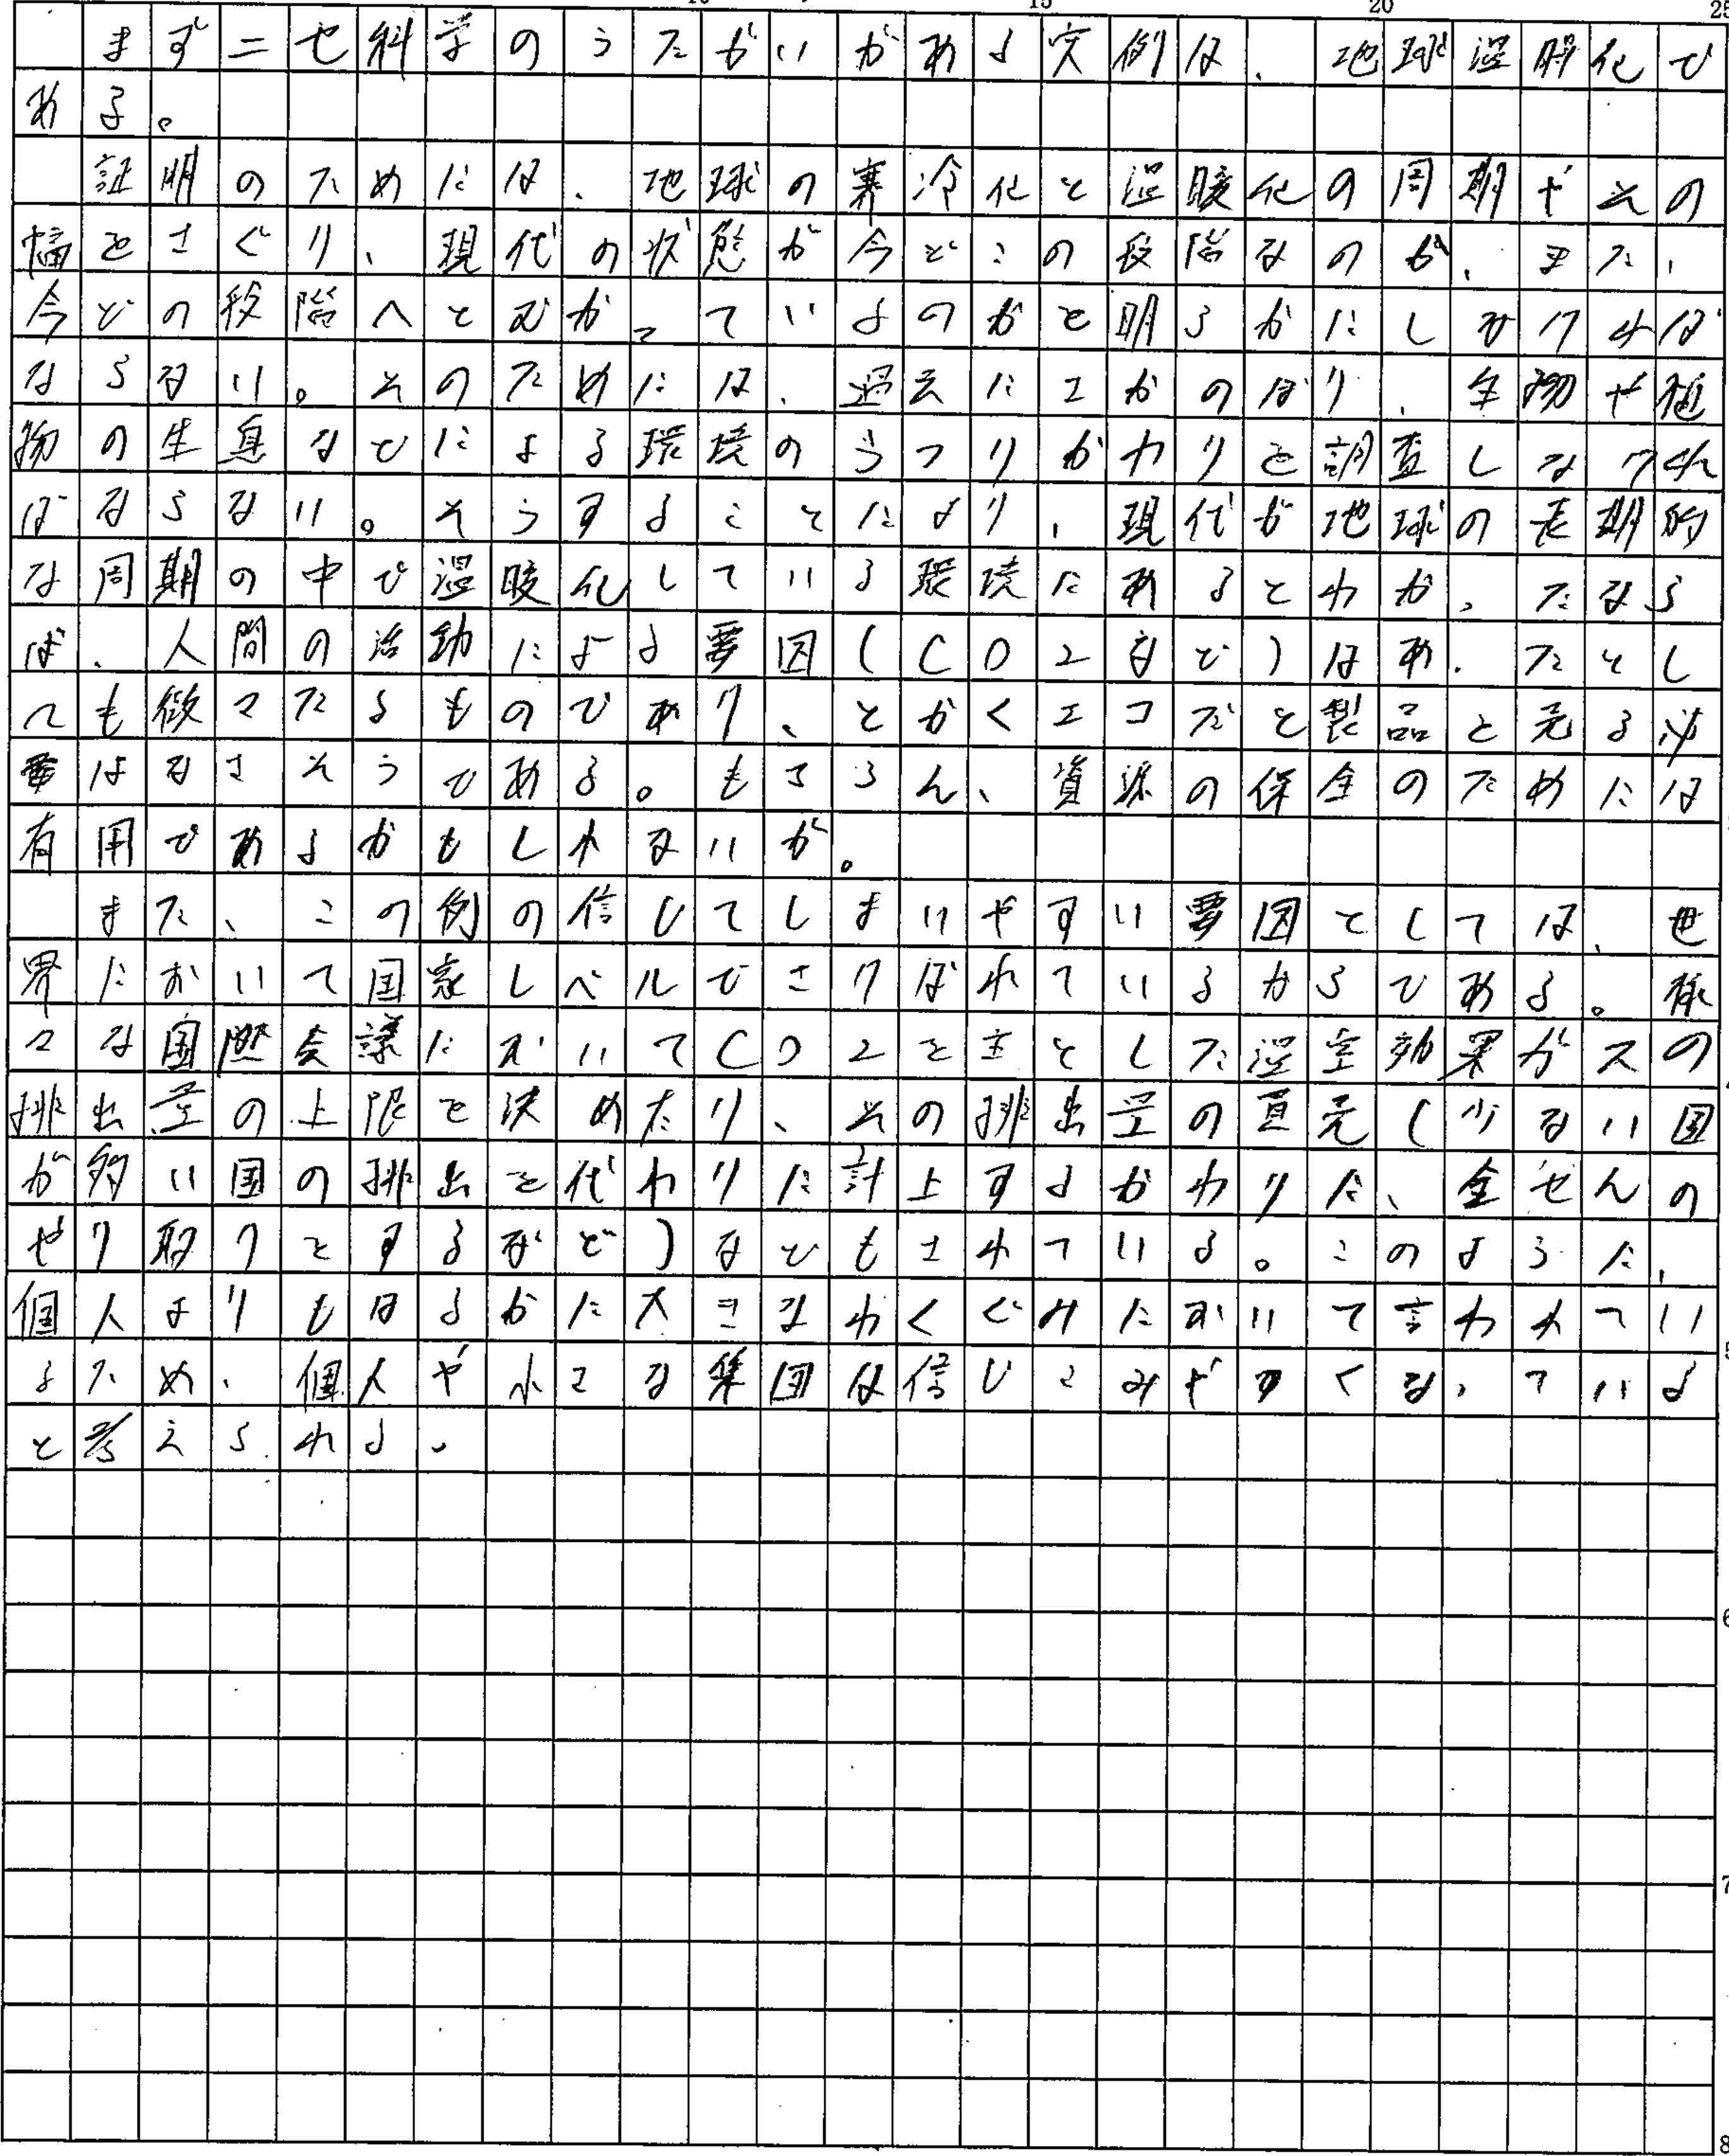　まずニセ科学のうたがいがある実例は、地球温暖化である。
　証明のためには、地球の寒冷化と温暖化の周期やその幅をさぐり、現代の状態が今どこの段階なのか、また、今どの段階へとむかっているのかと明らかにしなければならない。そのためには、過去にさかのぼり、生物や植物の生息などによる環境のうつりかわりを調査しなければならない。そうすることにより、現代が地球の長期的な周期の中で温暖化している環境にあるとわかったならば、人間の活動による要因（ＣＯ２など）はあったとしても微々たるものであり、とかくエコだと製品と売る必要はなさそうである。もちろん、資源の保全のためには有用であるかもしれないが。
　また、この例の信じてしまいやすい要因としては、世界において国家レベルでさけばれているからである。様々な国際会議にむいてＣＯ２を主とした温室効果ガスの排出量の上限を決めたり、その排出量の▁▁（少ない国が多い国の排出を代わりに計上するかわりに、金せんのやり取りをするなど）などもされている。このように、個人よりもはるかに大きなわくぐみにおいて言われているため、個人や小さな集団は信じこみやすくなっていると考えられる。
